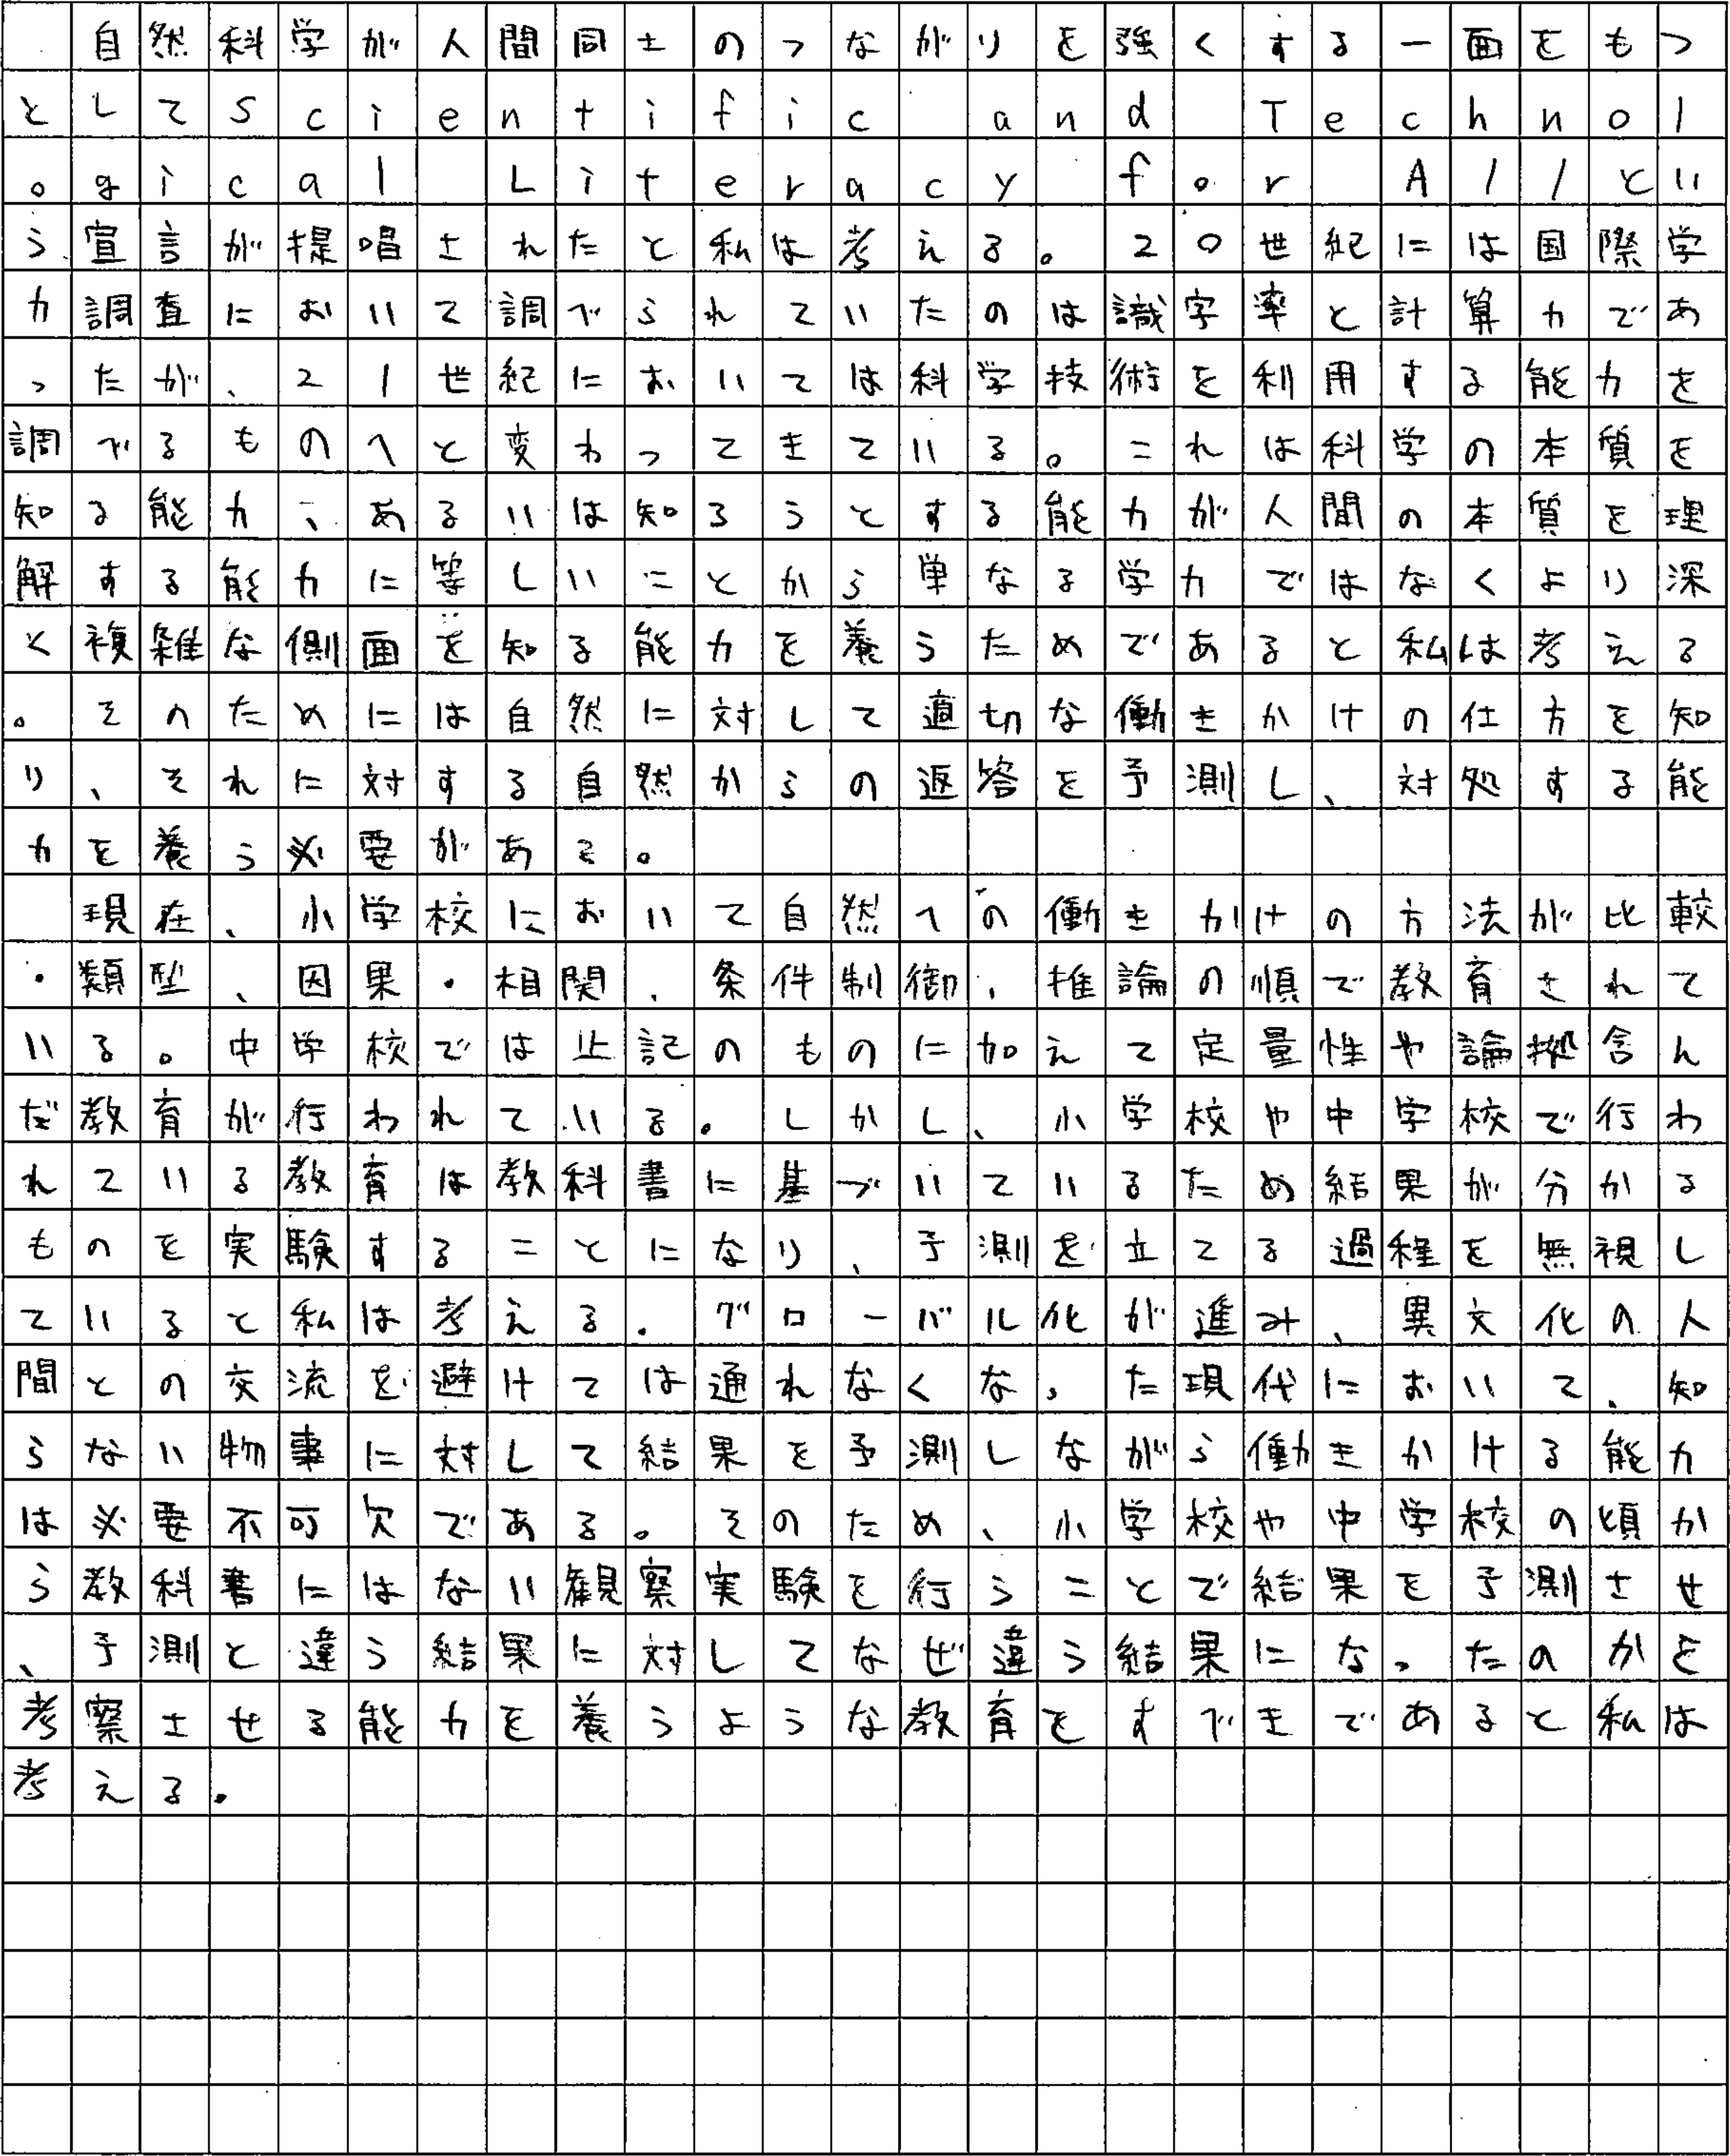　自然科学が人間同士のつながりを強くする一面をもつとしてＳｃｉｅｎｔｉｆｉｃ　ａｎｄ　Ｔｅｃｈｎｏｌｏｇｉｃａｌ　Ｌｉｔｅｒａｃｙ　ｆｏｒ　Ａｌｌという宣言が提唱されたと私は考える。２０世紀には国際学力調査において調べられていたのは識字率と計算力であったが、２１世紀においては科学技術を利用する能力を調べるものへと変わってきている。これは科学の本質を知る能力、あるいは知ろうとする能力が人間の本質を理解する能力に等しいことから単なる学力ではなくより深く複雑な側面を知る能力を養うためであると私は考える。そのためには自然に対して適切な働きかけの仕方を知り、それに対する自然からの返答を予測し、対処する能力を養う必要がある。
　現在、小学校において自然への働きかけの方法が比較・類型、因果・相関、条件制御、推論の順で教育されている。中学校では上記のものに加えて定量性や論拠含んだ教育が行われている。しかし、小学校や中学校で行われている教育は教科書に基づいているため結果が分かるものを実験することになり、予測を立てる過程を無視していると私は考える。グローバル化が進み、異文化の人間との交流を避けては通れなくなった現代において、知らない物事に対して結果を予測しながら働きかける能力は必要不可欠である。そのため、小学校や中学校の頃から教科書にはない観察実験を行うことで結果を予測させ、予測と違う結果に対してなぜ違う結果になったのかを考察させる能力を養うような教育をすべきであると私は考える。
